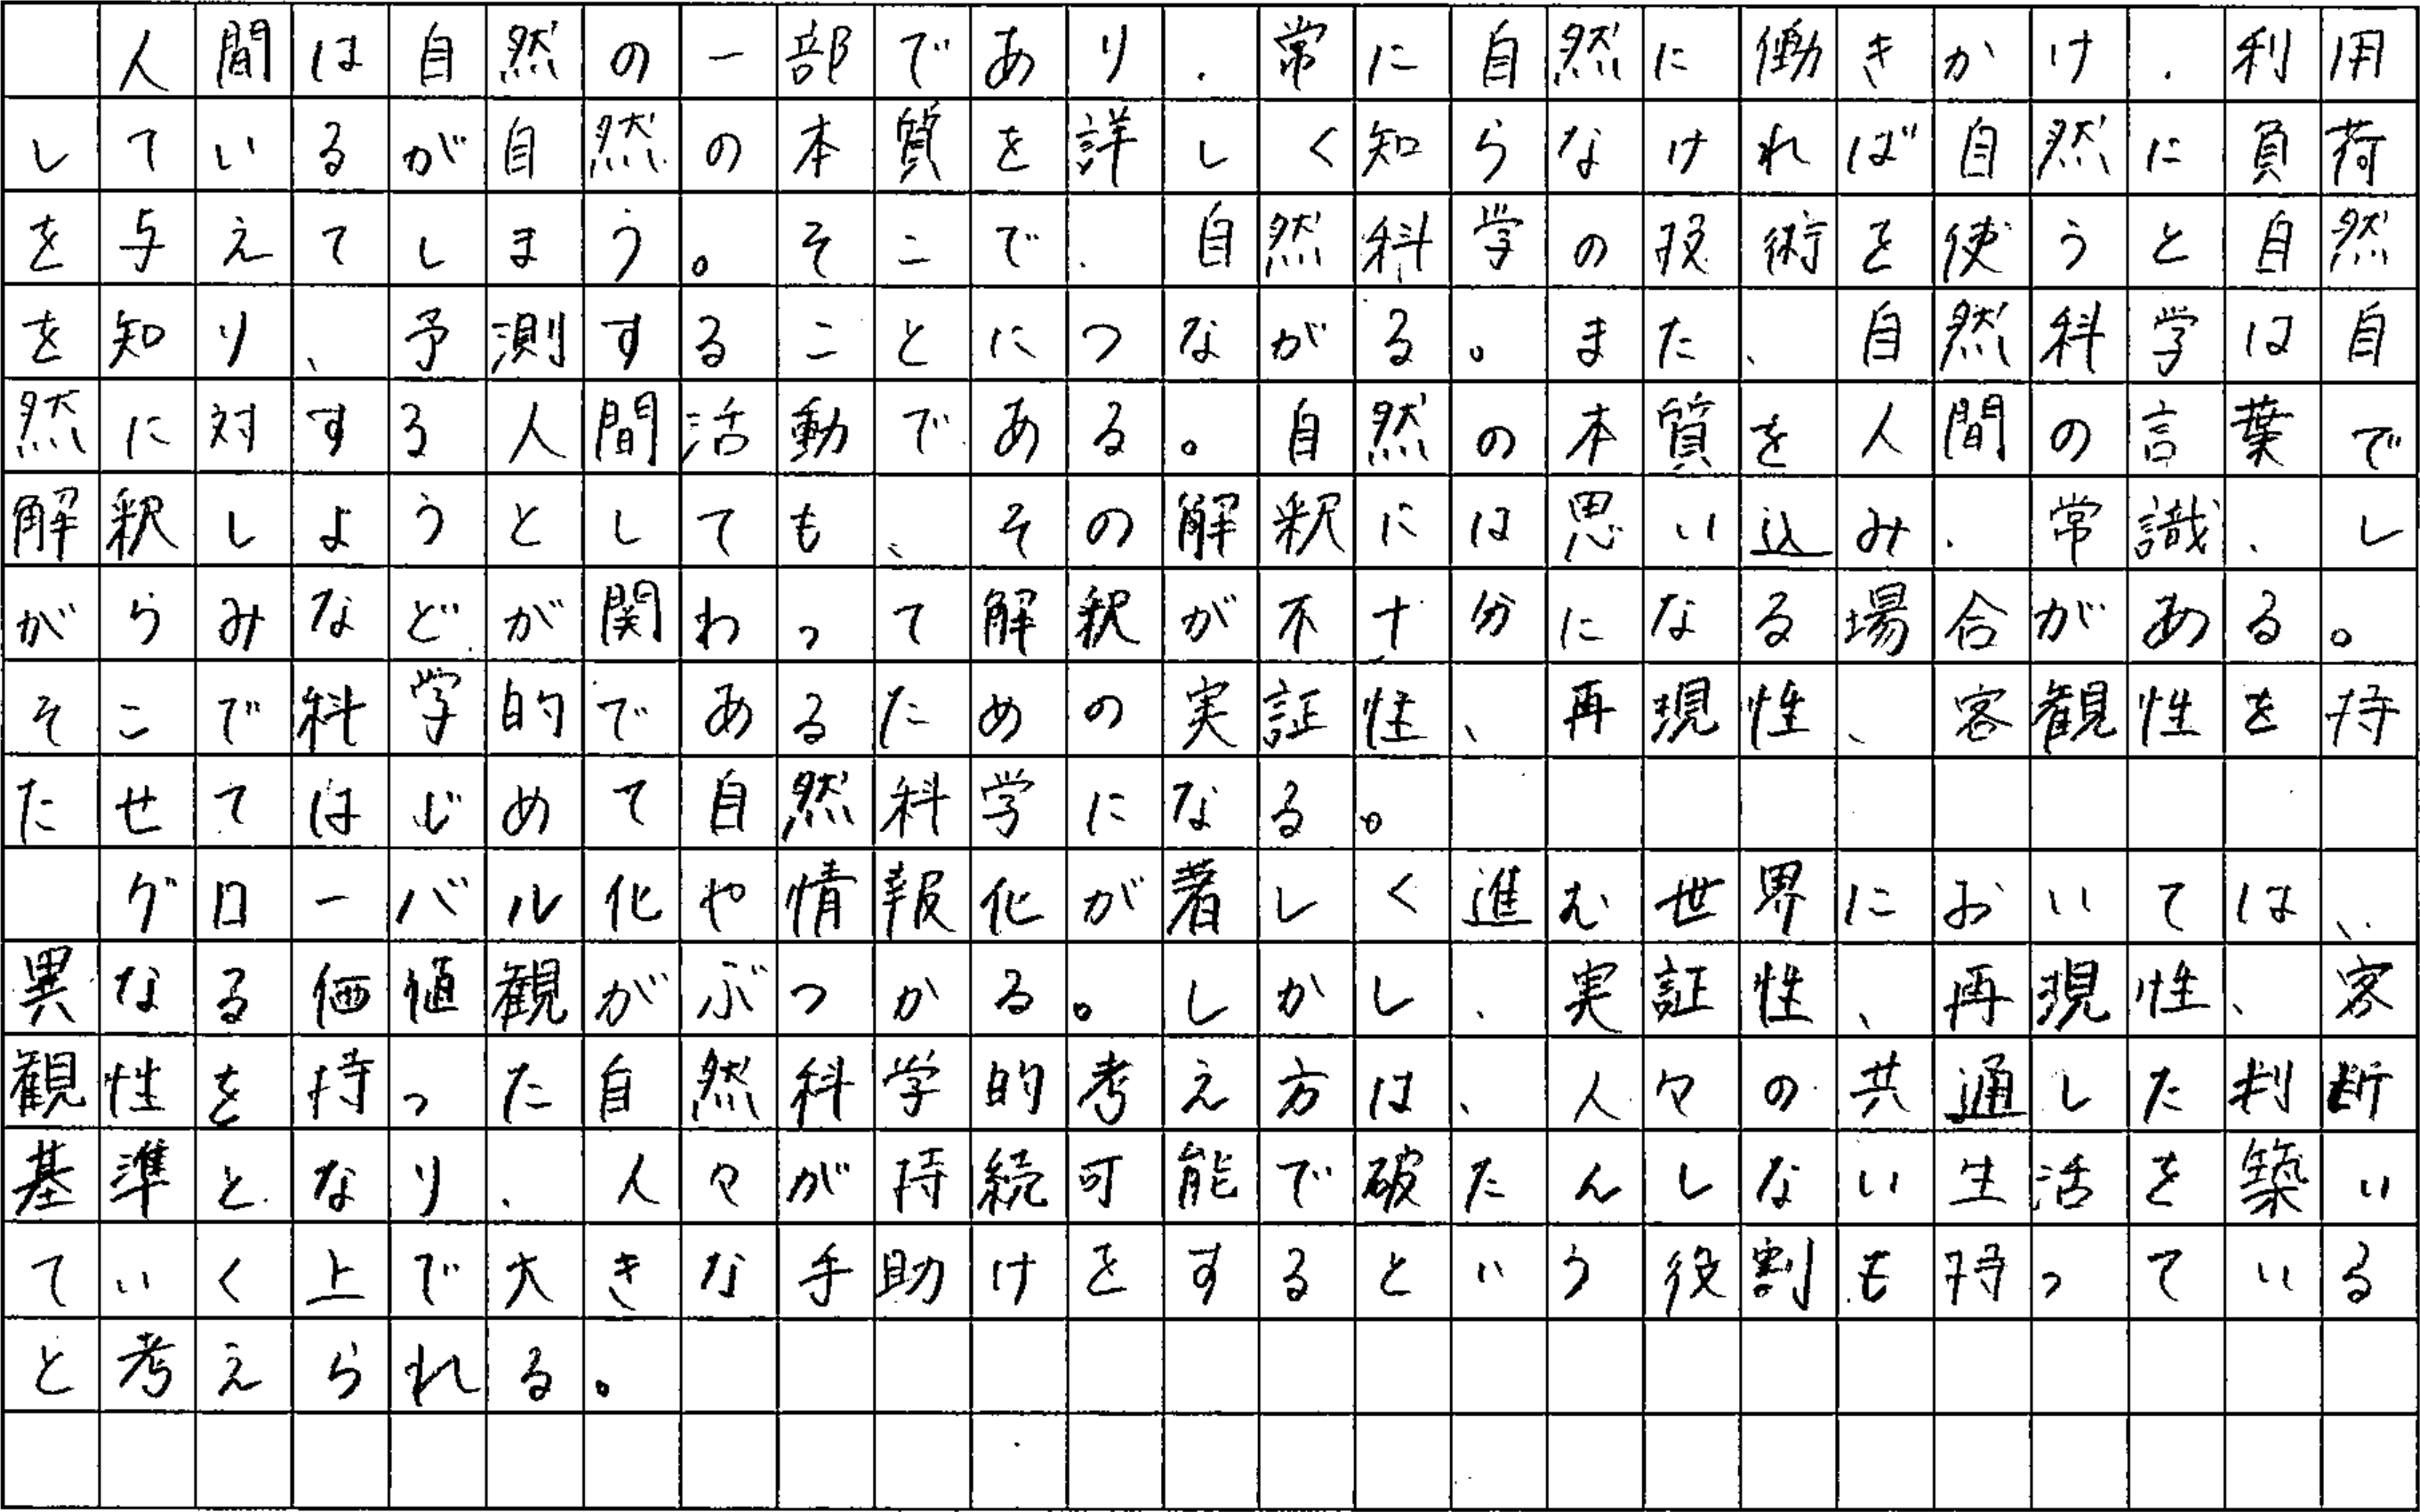人間は自然の一部であり、常に自然に働きかけ、利用しているが自然の本質を詳しく知らなければ自然に負荷を与えてしまう。そこで、自然科学の技術を使うと自然を知り、予測することにつながる。また、自然科学は自然に対する人間活動である。自然の本質を人間の言葉で解釈しようとしても、その解釈には思い込み、常識、しがらみなどが関わって解釈が不十分になる場合がある。そこで科学的であるための実証性、再現性、客観性を持たせてはじめて自然科学になる。
　グローバル化や情報化が著しく進む世界においては、異なる価値観がぶつかる。しかし、実証性、再現性、客観性を持った自然科学的考え方は、人々の共通した判断基準となり、人々が持続可能で破たんしない生活を築いていく上で大きな手助けをするという役割を持っていると考えられる。
